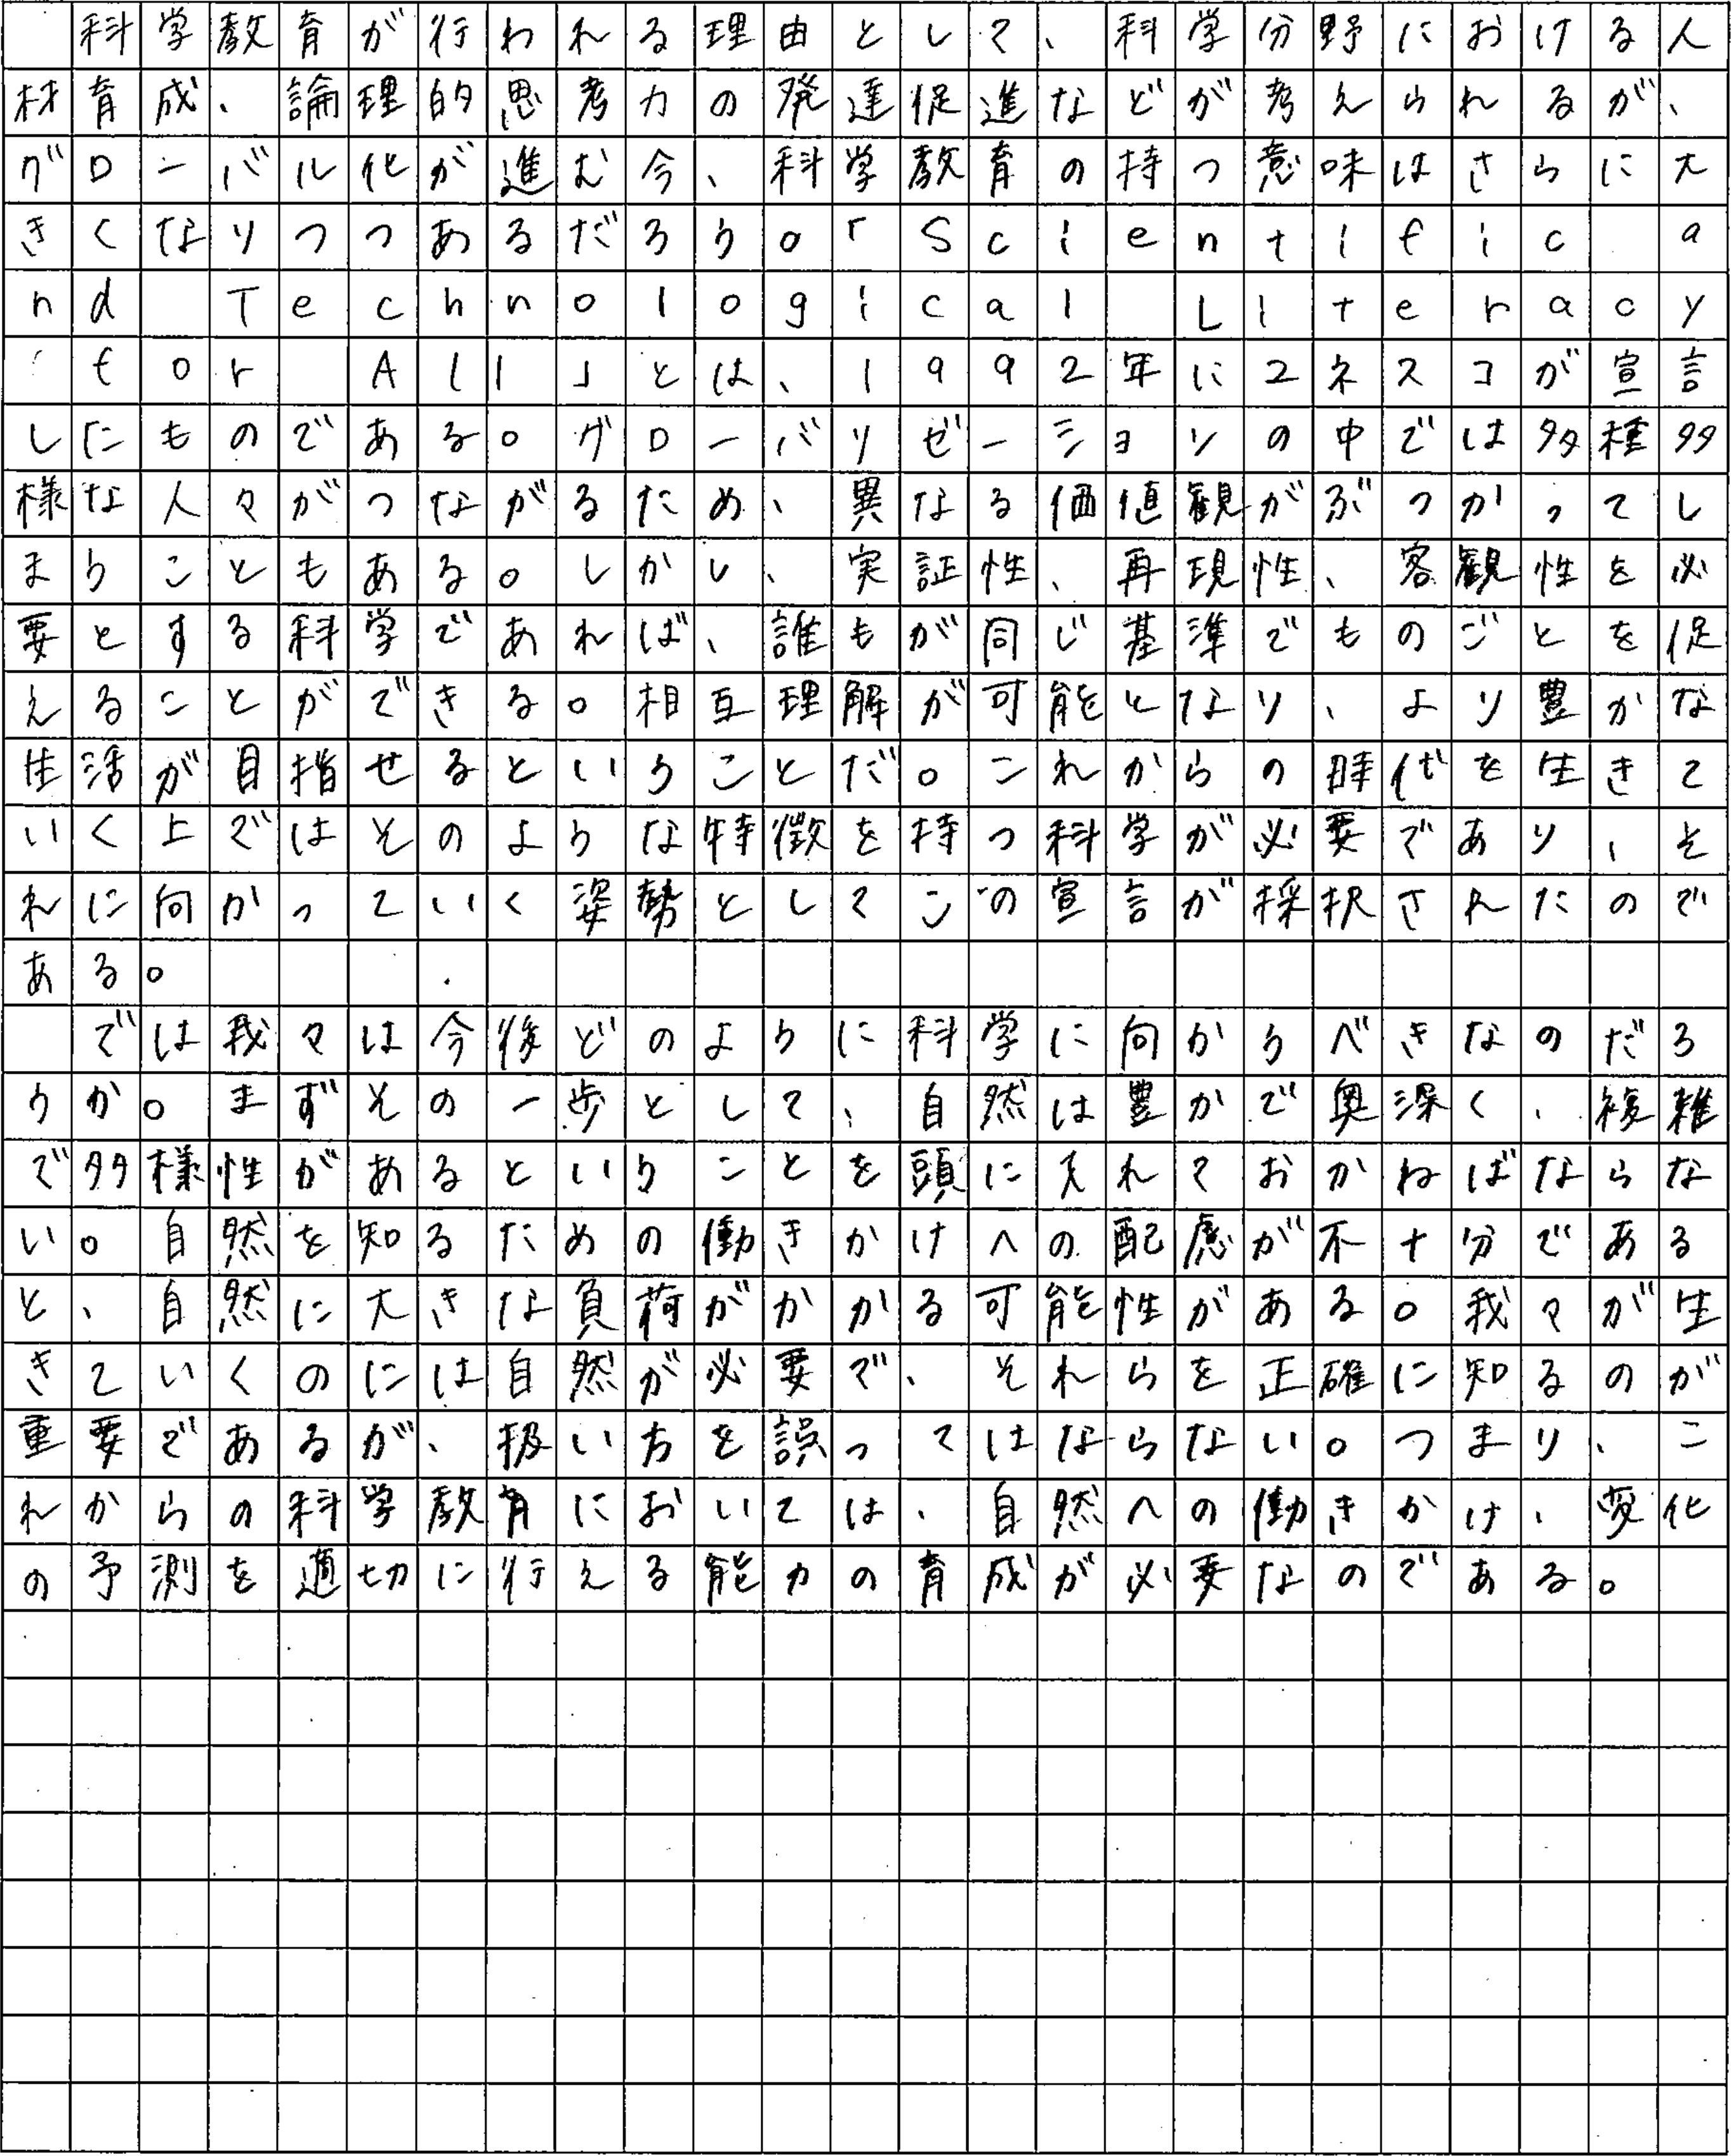　科学教育が行われる理由として、科学分野における人材育成、論理的思考力の発達促進などが考えられるが、グローバル化が進む今、科学教育の持つ意味はさらに大きくなりつつあるだろう。「Ｓｃｉｅｎｔｉｆｉｃ　ａｎｄ　Ｔｅｃｈｎｏｌｏｇｉｃａｌ　Ｌｉｔｅｒａｃｙ　ｆｏｒ　Ａｌｌ」とは、１９９２年にユネスコが宣言したものである。グローバリゼーションの中では多種多様な人々がつながるため、異なる価値観がぶつかってしまうこともある。しかし、実証性、再現性、客観性を必要とする科学であれば、誰もが同じ基準でものごとを促えることができる。相互理解が可能となり、より豊かな生活が目指せるということだ。これからの時代を生きていく上ではそのような特徴を持つ科学が必要であり、それに向かっていく姿勢としてこの宣言が採択されたのである。
　では我々は今後どのように科学に向かうべきなのだろうか。まずその一歩として、自然は豊かで奥深く、複雑で多様性があるということを頭に入れておかねばならない。自然を知るための働きかけへの配慮が不十分であると、自然に大きな負荷がかかる可能性がある。我々が生きていくのには自然が必要で、それらを正確に知るのが重要であるが、扱い方を誤ってはならない。つまり、これからの科学教育においては、自然への働きかけ、変化の予測を適切に行える能力の育成が必要なのである。
